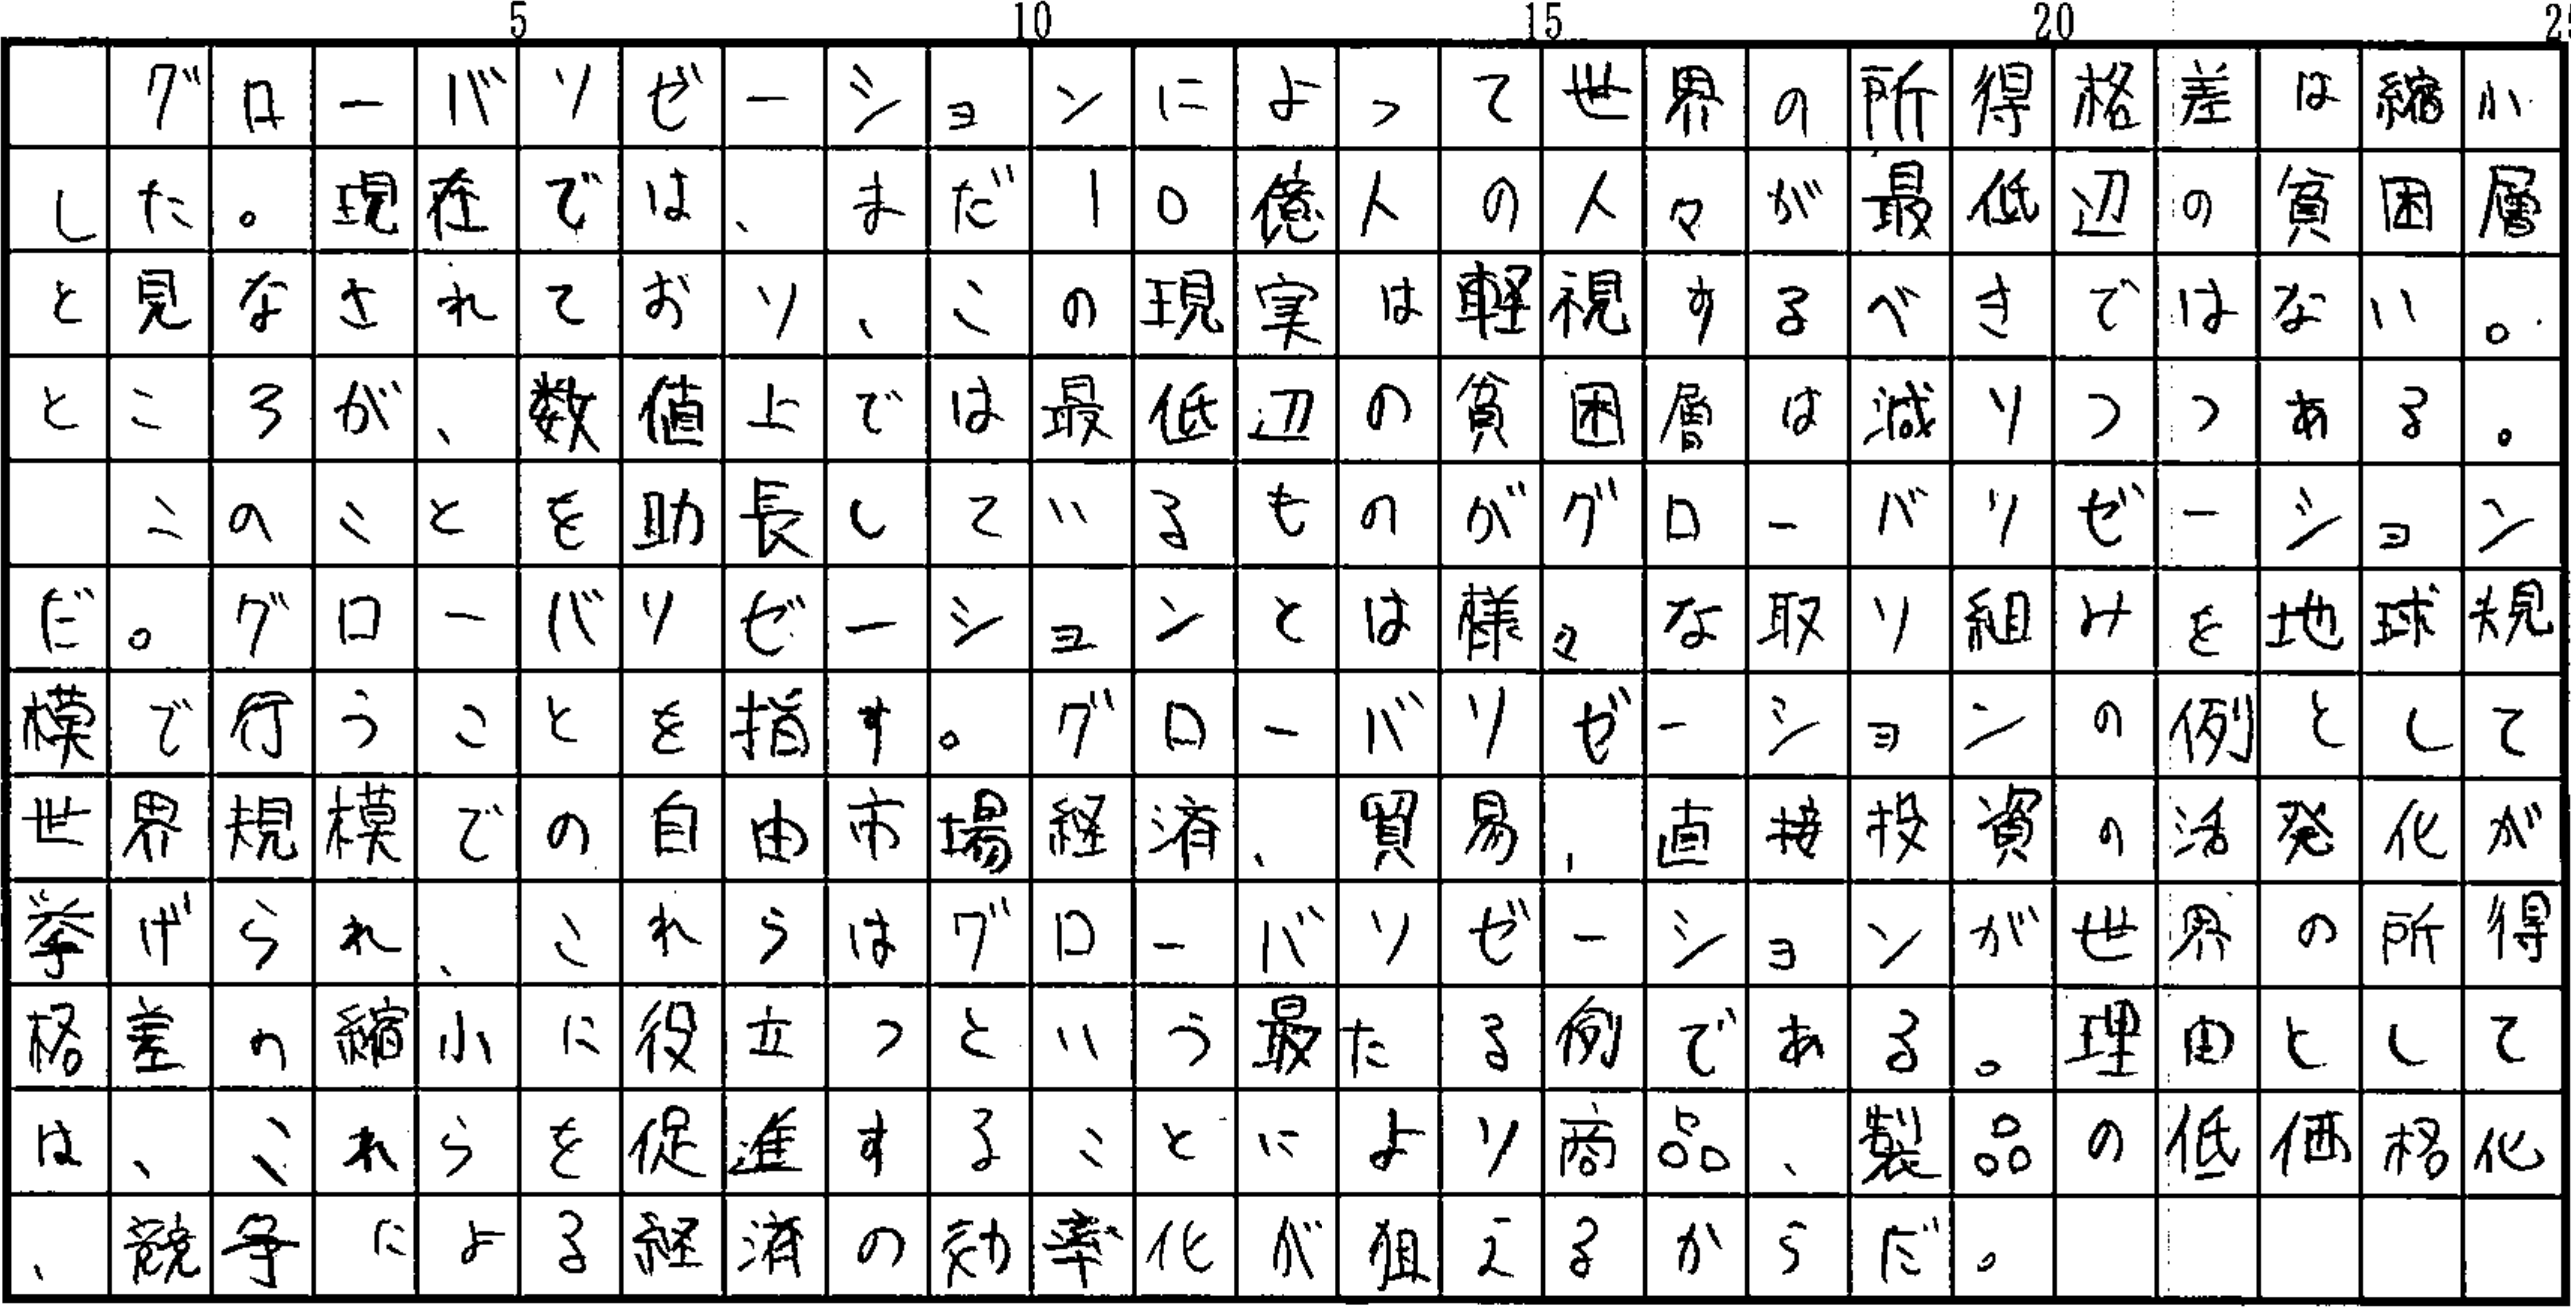　グローバリゼーションによって世界の所得格差は縮小した。現在では、まだ１０億人の人々が最低辺の貧困層と見なされており、この現実は軽視するべきではない。ところが、数値上では最低辺の貧困層は減りつつある。
　このことを助長しているものがグローバリゼーションだ。グローバリゼーションとは様々な取り組みを地球規模で行うことを指す。グローバリゼーションの例として世界規模での自由市場経済、貿易、直接投資の活発化が挙げられ、これらはグローバリゼーションが世界の所得格差の縮小に役立つという最たる例である。理由としては、これらを促進することにより商品、製品の低価格化、競争による経済の効率化が狙えるからだ。
